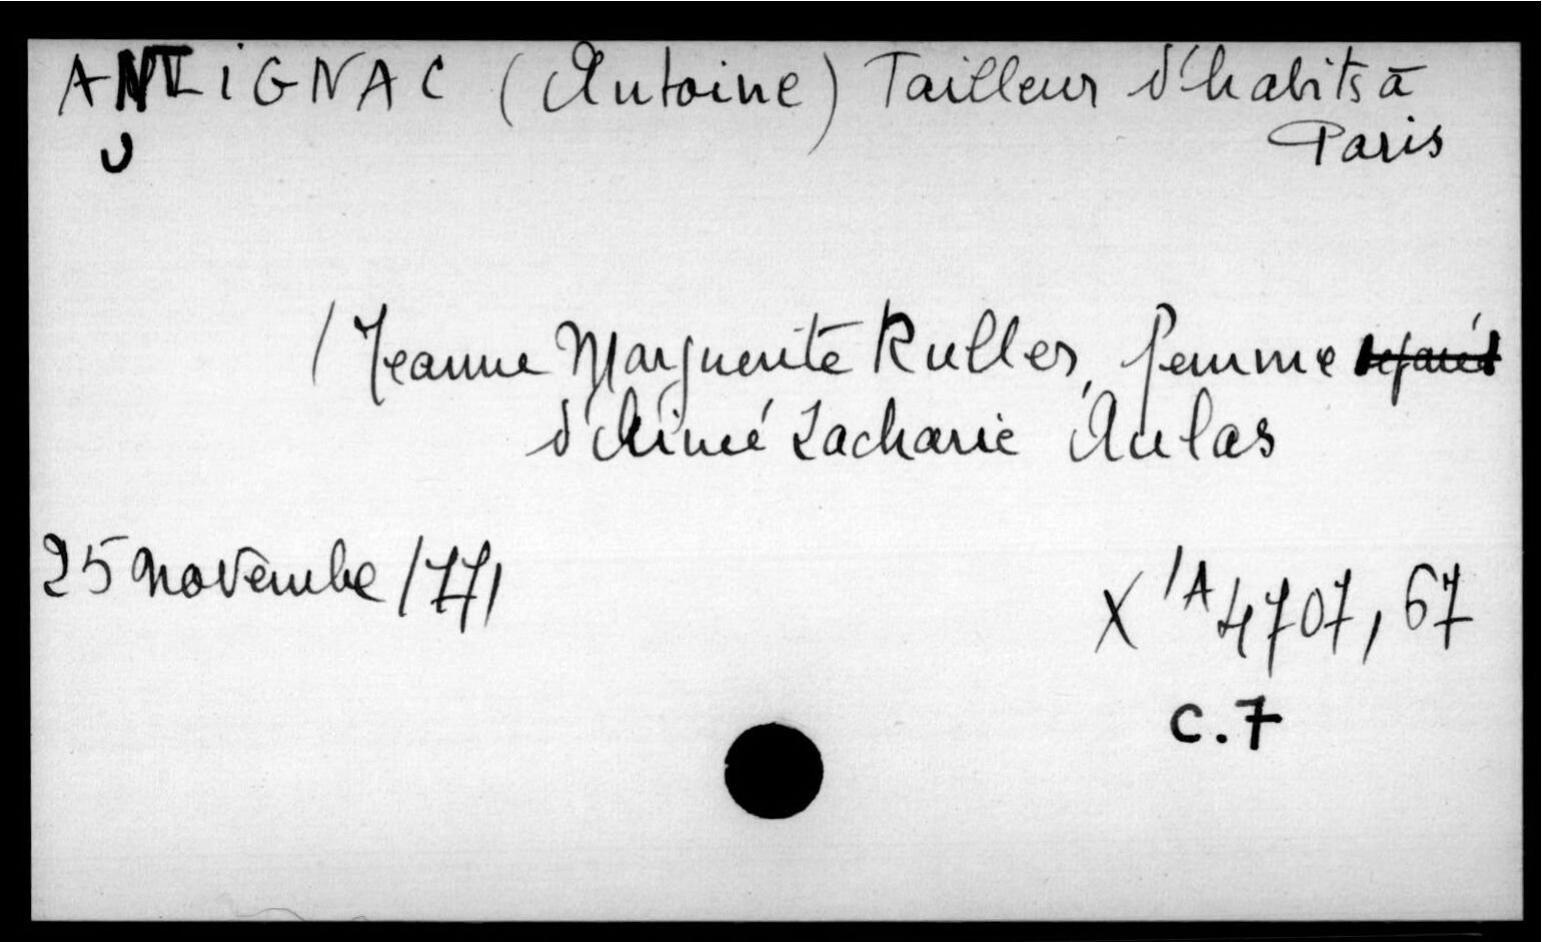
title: ANTIGNAC (Antoine) Tailleur d'habits à Paris
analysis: Contre Jeanne Marguerite Ruller, femme d'Aimé Zacharie Aulas
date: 25 novembre 1771
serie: X1A
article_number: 4707
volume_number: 67 Conseil, 7
